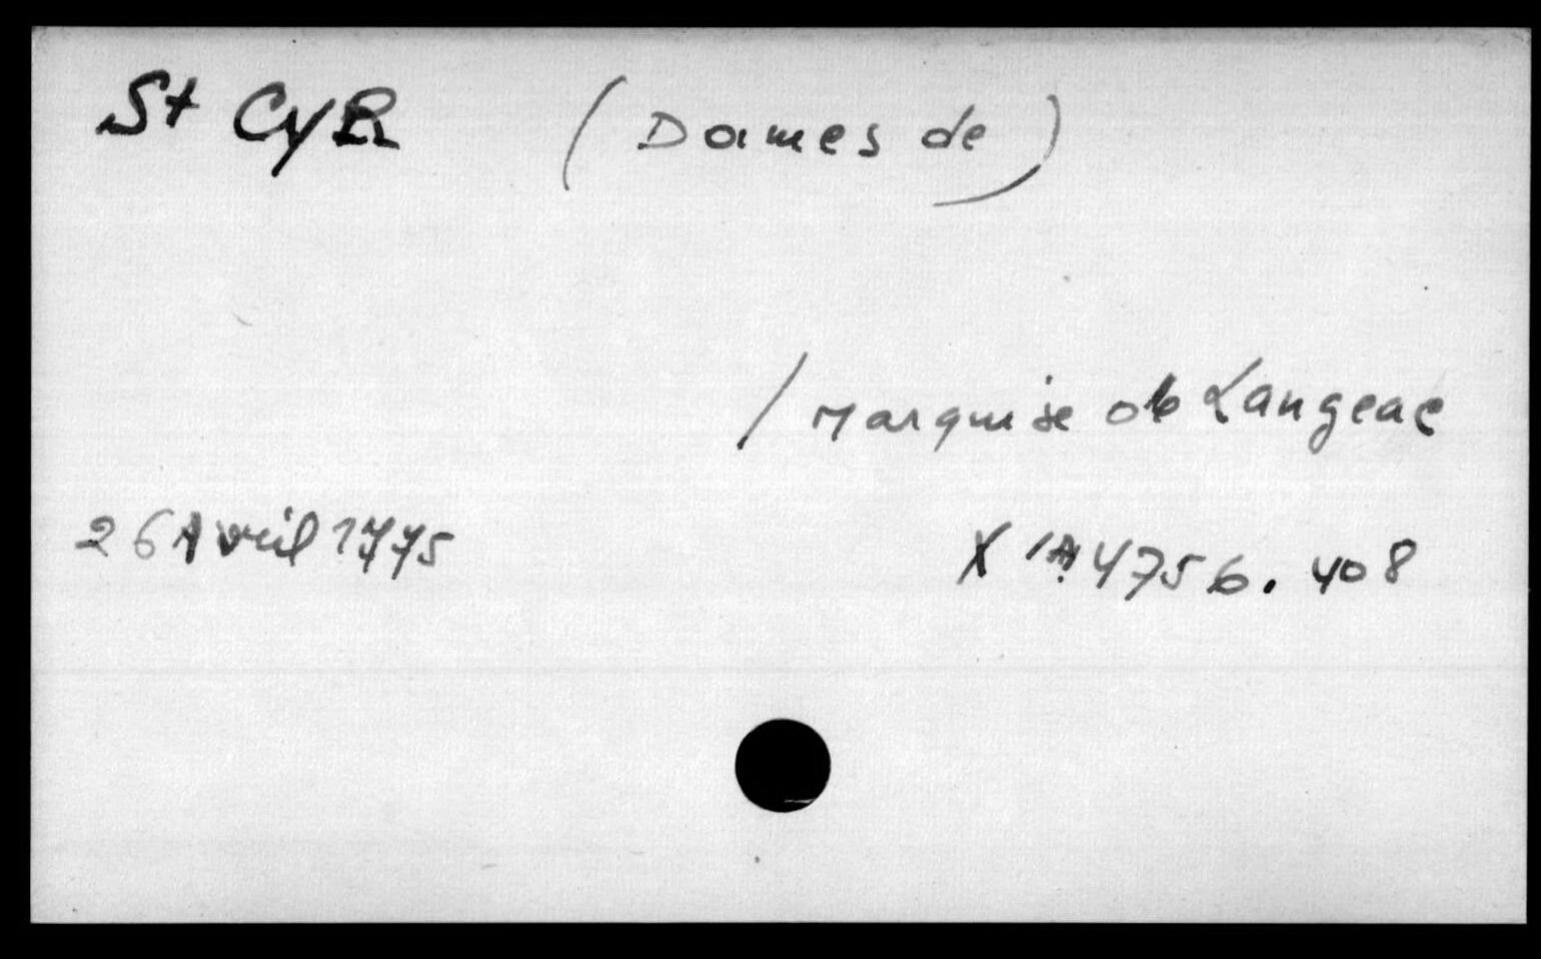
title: SAINT CYR (Dames de)
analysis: Contre Marquise de Laugeac
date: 26 avril 1775
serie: X1A
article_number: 4756
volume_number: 408
